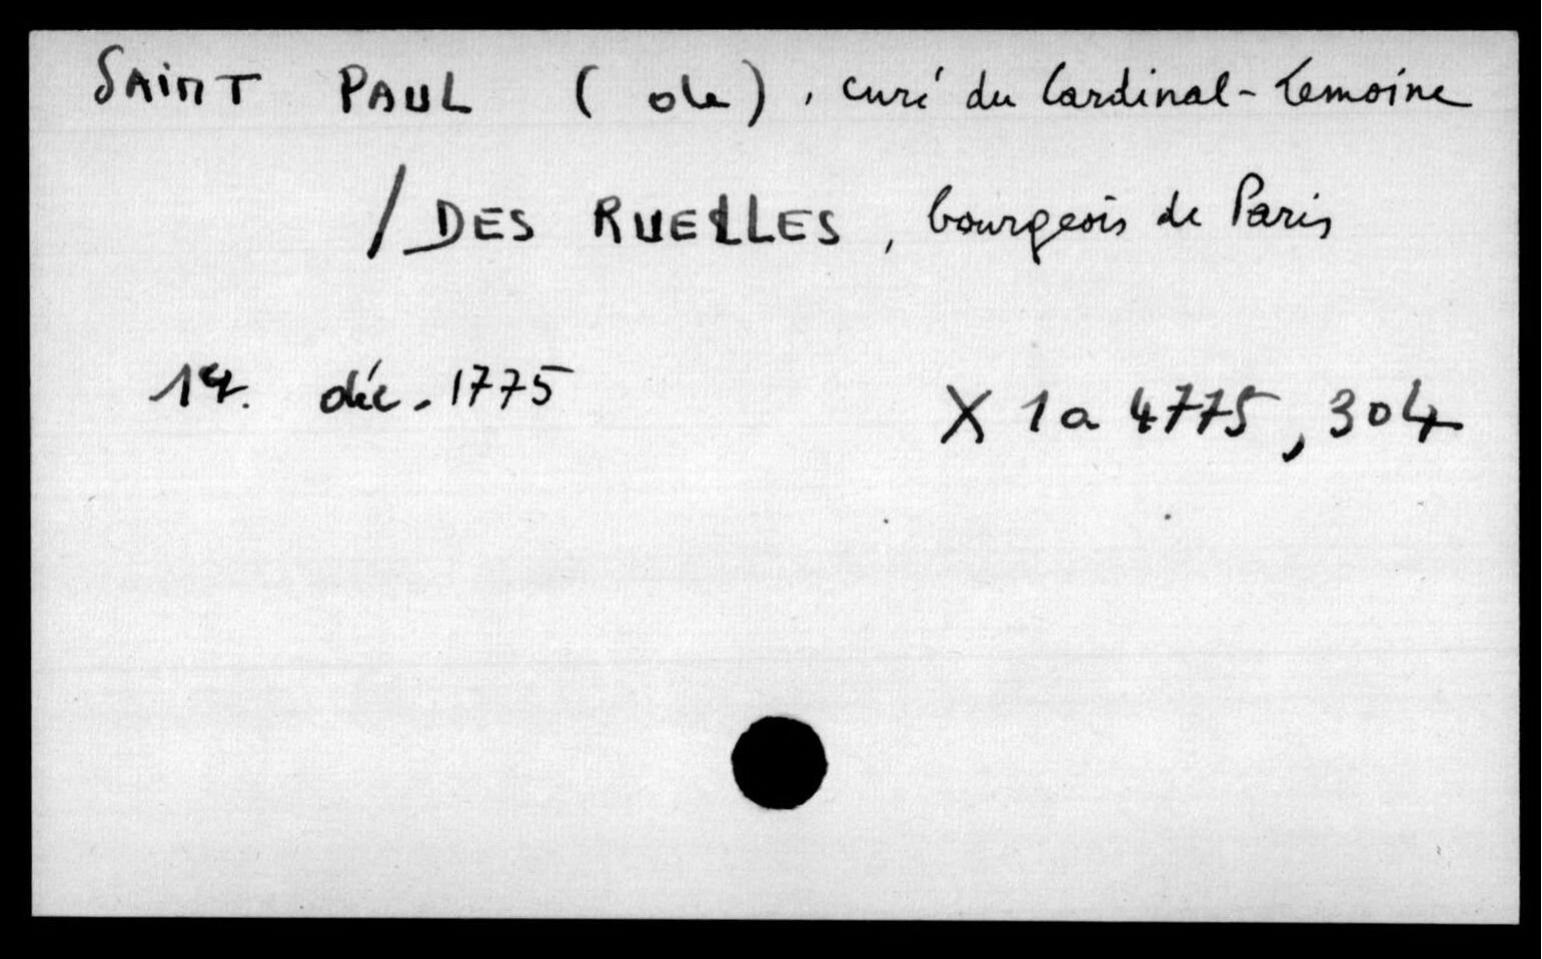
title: SAINT PAUL (de), curé du Cardinal-Lemoine
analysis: Contre DES RUELLES, bourgeois de Paris
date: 14 décembre 1775
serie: X1a
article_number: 4775
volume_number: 304
